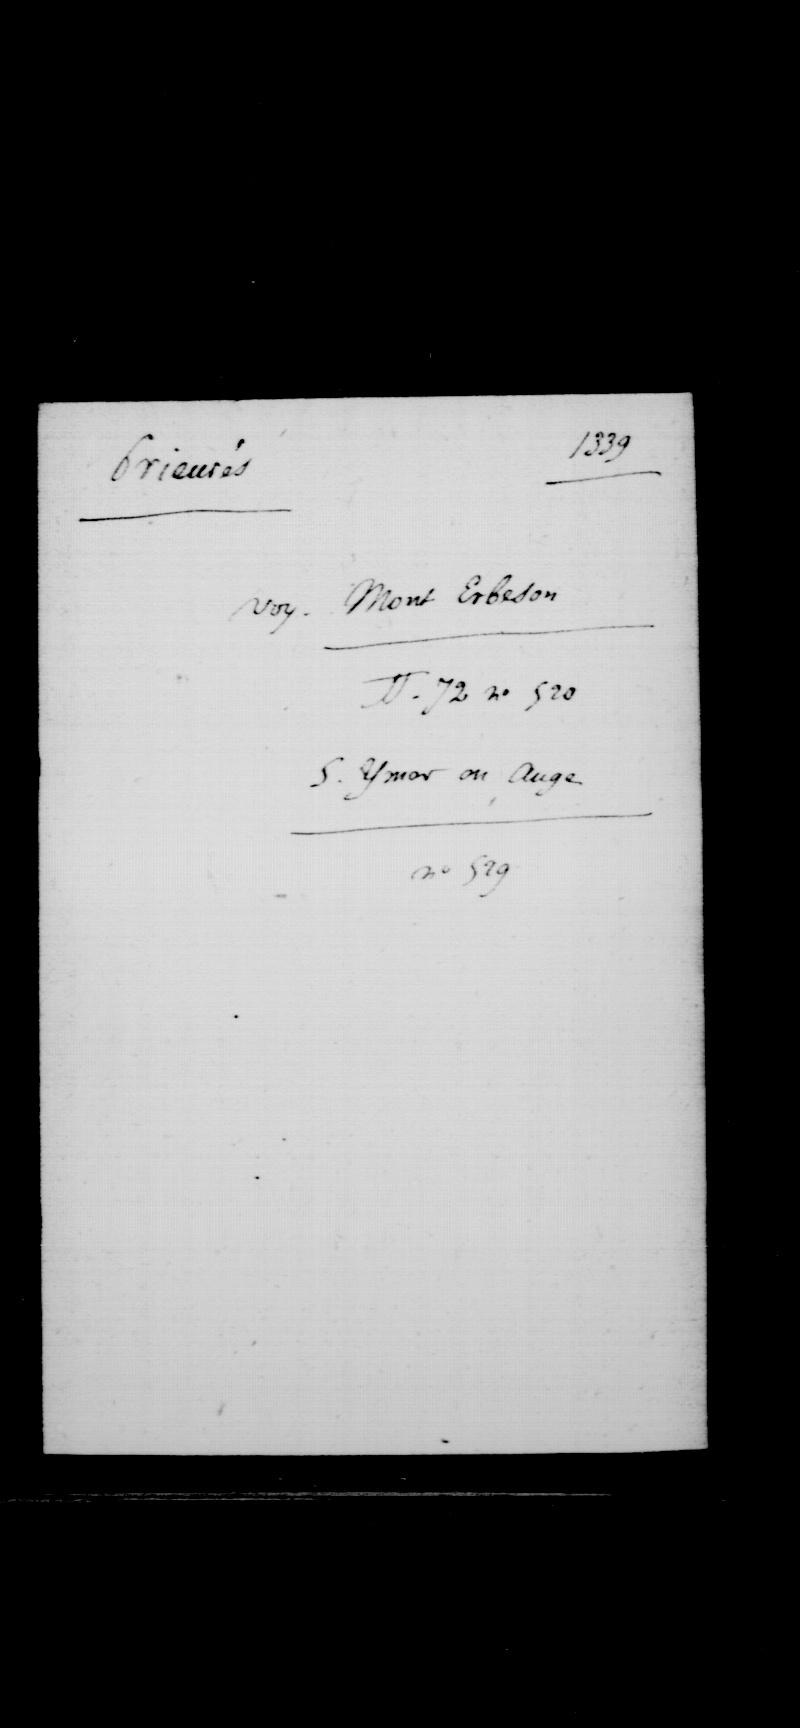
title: Prieurés
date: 1339
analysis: Voir Mont Erbeson Voir Saint Ymer en Auge
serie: JJ
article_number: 72
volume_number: n° 520, 529
